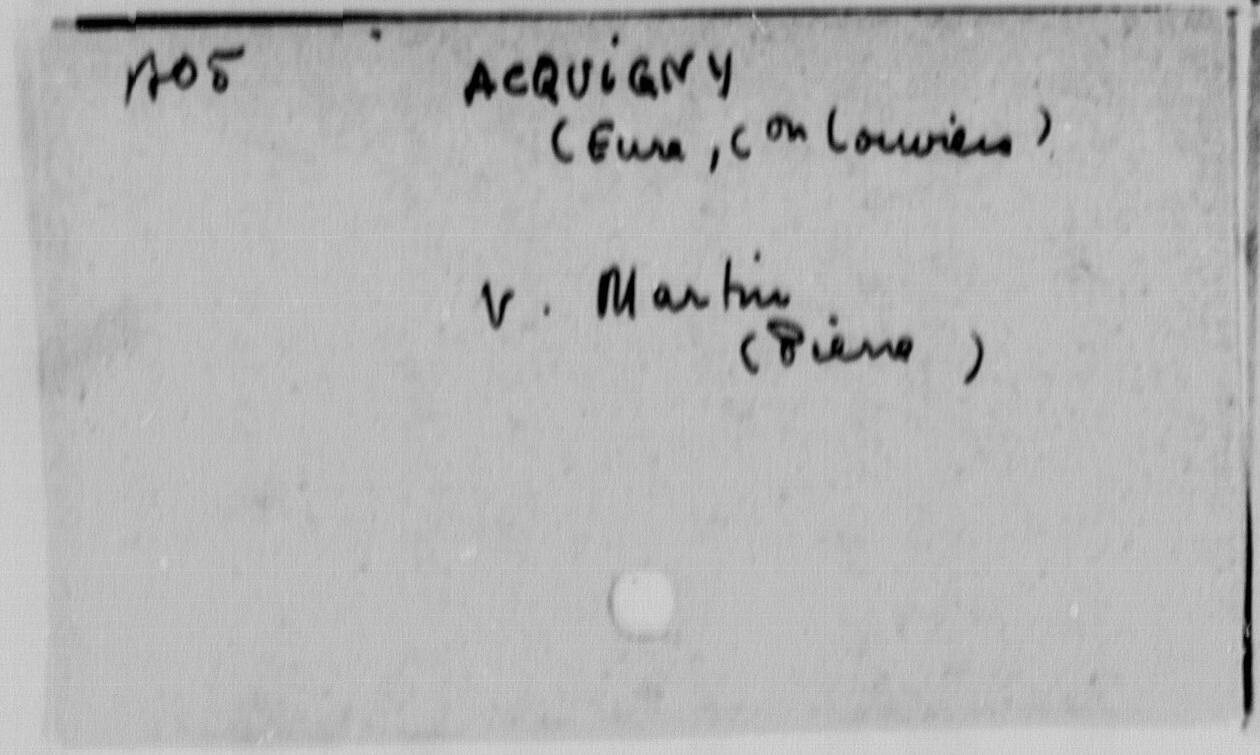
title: ACQUIGNY (Eure, circonscription Louviers)
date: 1705
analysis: Voir Martin (Pierre)
